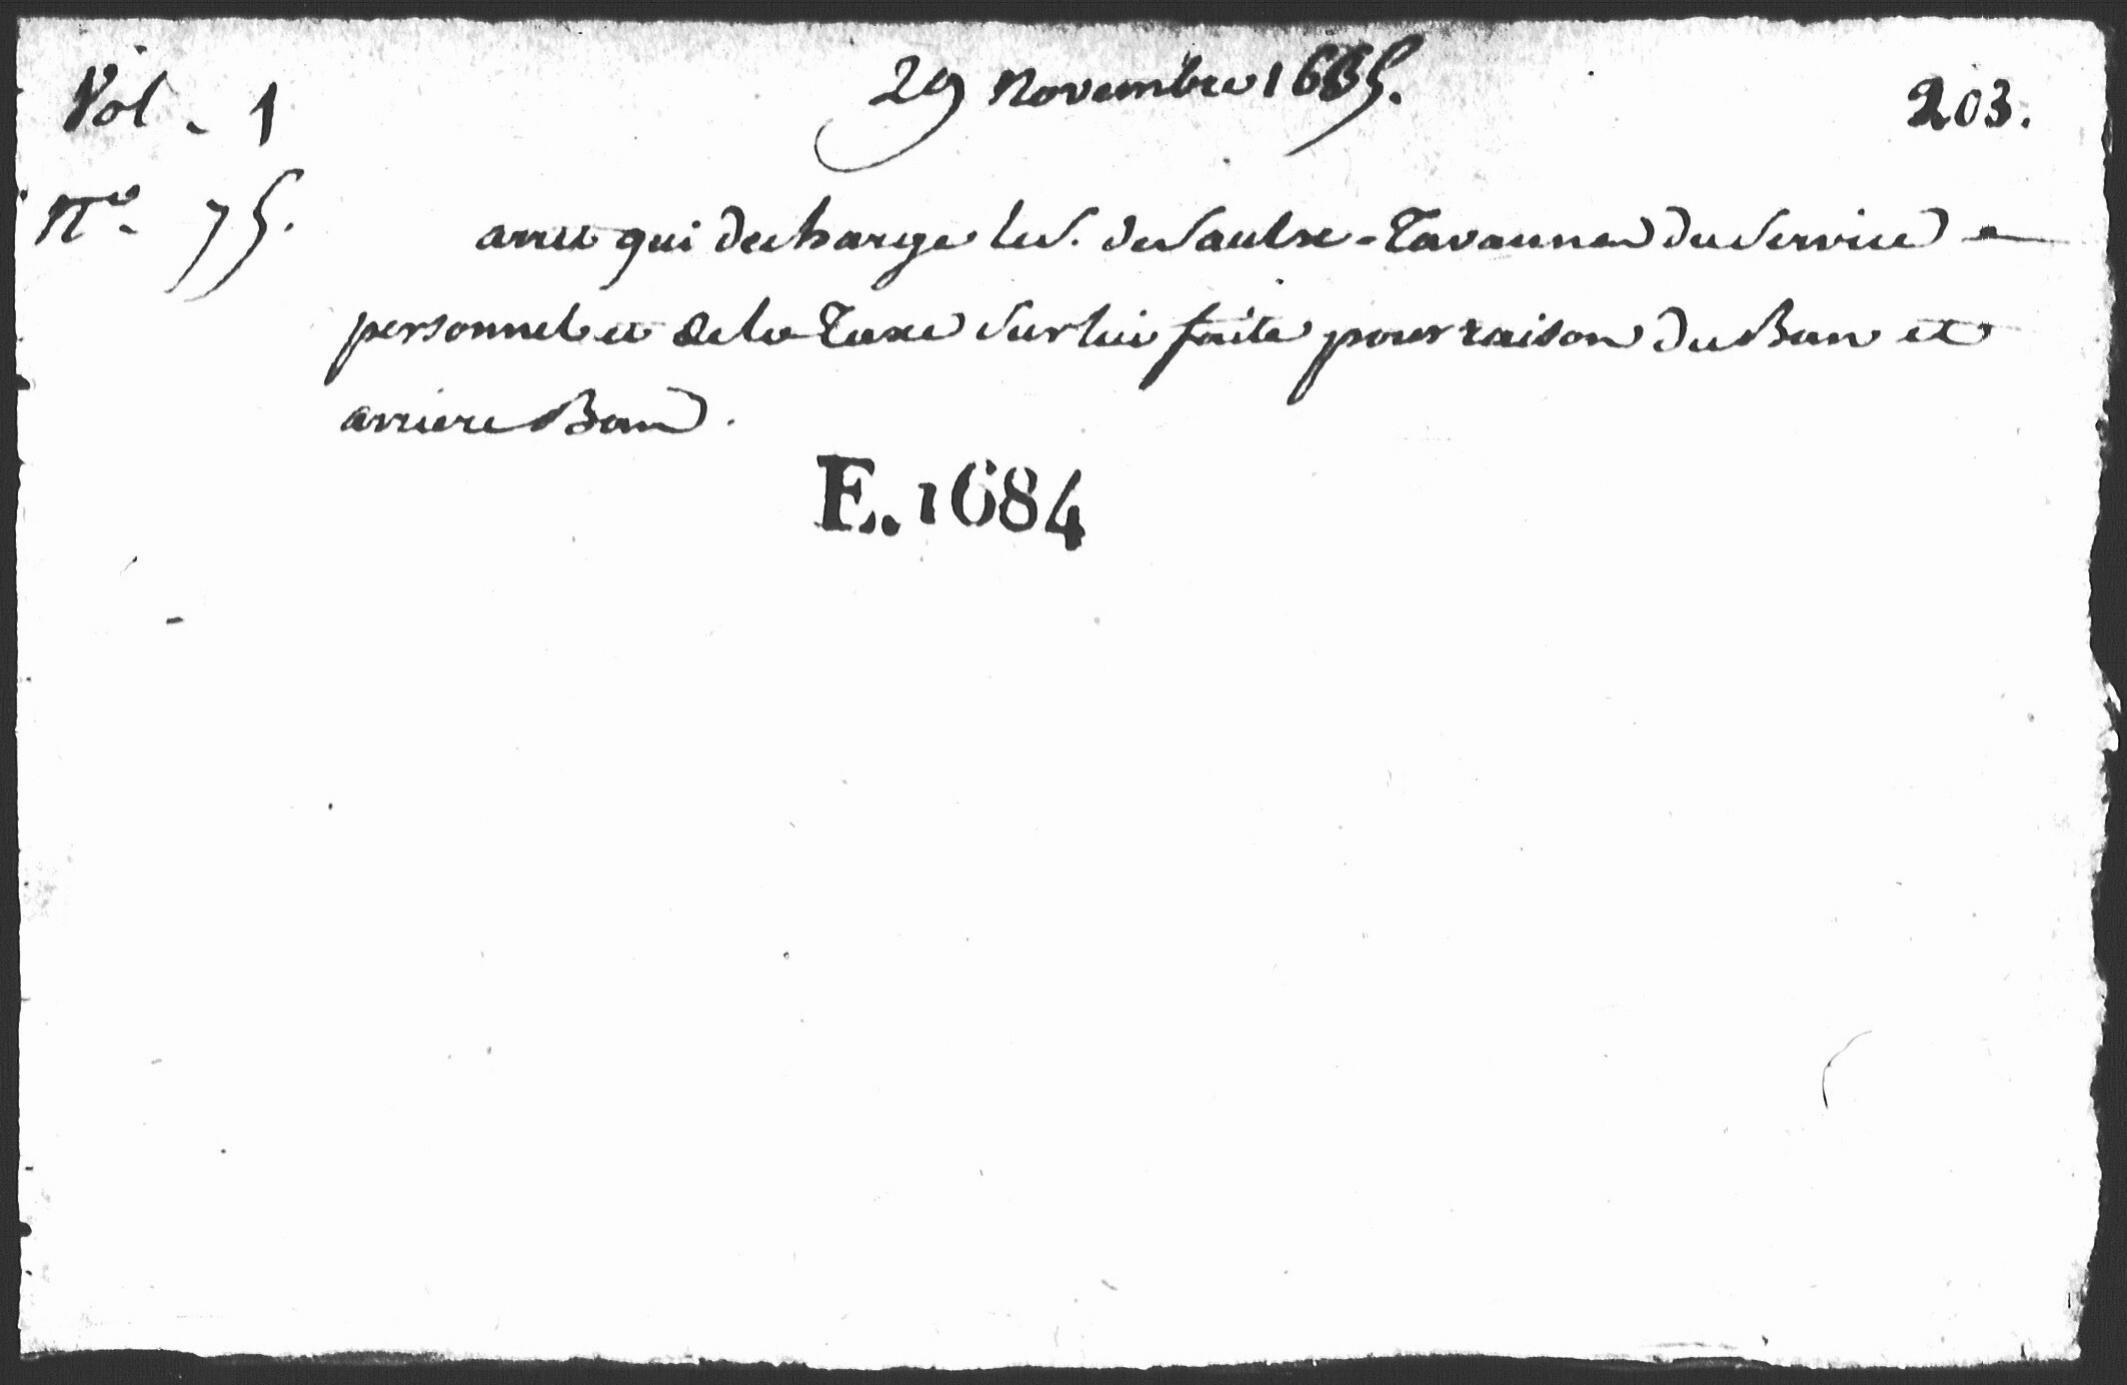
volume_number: n°75
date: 29 novembre 1635
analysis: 203
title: arret qui decharge le S. de Saulx-Tavannes du service personnel et de la taxe sur lui faite pour raison du ban et arrière ban.
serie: E
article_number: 1684
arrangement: vol. 1
